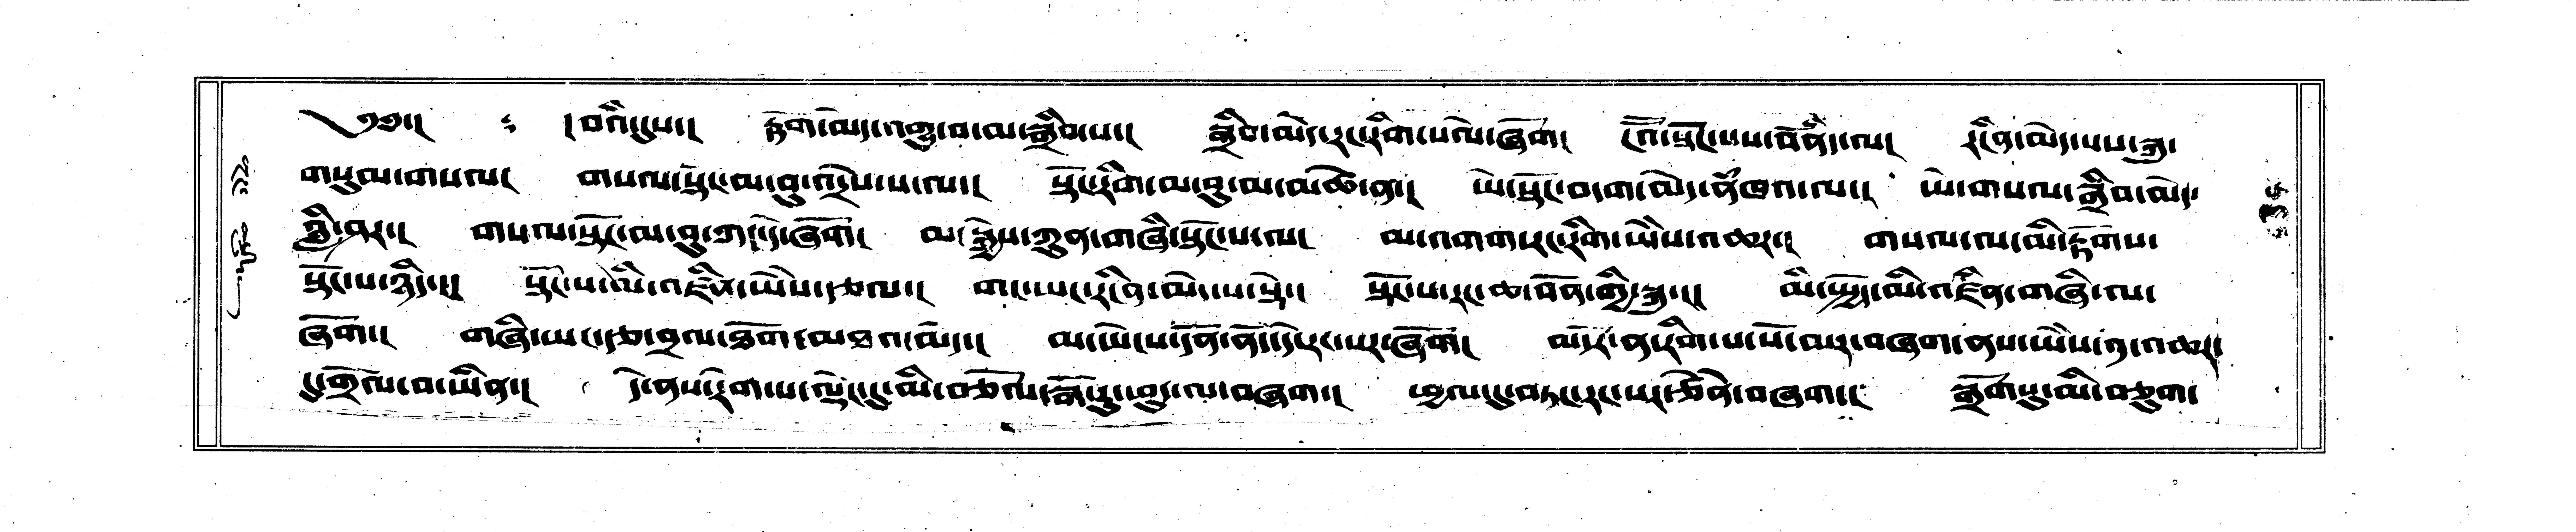བའི་དུས། རྣམ་རྟོག་འགྱུ་བས་མ་བསྒྲིབ་ལ། སྒྲིབ་མེད་རང་རིག་སལེ་ཞོག ངོའོ་སྟོང་པ་བོན་ཉིད་ལ། རང་བཞིན་མེད་པའི་སྐུ་
གསུམ་གསལ། གསལ་སྟོང་མ་བུ་འདྲེས་པ་ལ། སྟོང་རིག་མ་བུ་སོ་སོར་མ་ཕྱེ་ཅིག ཡེ་སྟོང་བདག་མེད་ནམ་མཁའ་ལ། ཡེ་གསལ་སྒྲིབ་མེད་
ཉི་ཟླ་ཤར། གསལ་སྟོང་མ་བུ་ཀད་དེ་ཞོག མ་སྐྱེས་ཀུན་གཞི་སྟོང་པ་ལ། མ་གྷག་རང་རིག་ཡེ་ཤེས་འཆར། གསལ་ལ་མི་རྟོག་
སྟོང་པ་ཉིད། སྟོང་ལ་འཛིན་མེད་ཡེ་ཤེས་རྩལ། གང་ཡང་རང་བཞིན་མེད་པ་སྟེ། སྟོང་པ་རང་ཆས་བོན་གྱིས་སྐུ། མི་སྤྱོད་མི་འཛིན་གཞི་ལ་
ཞོག གཞི་ཡང་རྩ་བྲལ་ཐོག་མཐའ་མེད། མ་ཡེང་དོན་དེ་རང་སར་ཞོག མདོར་ན་རིག་པ་སོ་མར་བཞག་ན་ཡེ་ཤེས་ཅིག་འཆར་དུ་
གྲོལ་བ་ཡིན། དེ་ནས་རིག་པ་རྡེང་དུ་མ་བཅོལ་སྒོ་རུ་ཕུད་པ་ཞོག ཕྱལ་དུ་མི་བཏང་རང་སར་ཙེན་ནེ་བཞག སྒྲོགས་སུ་མི་བཅུག་